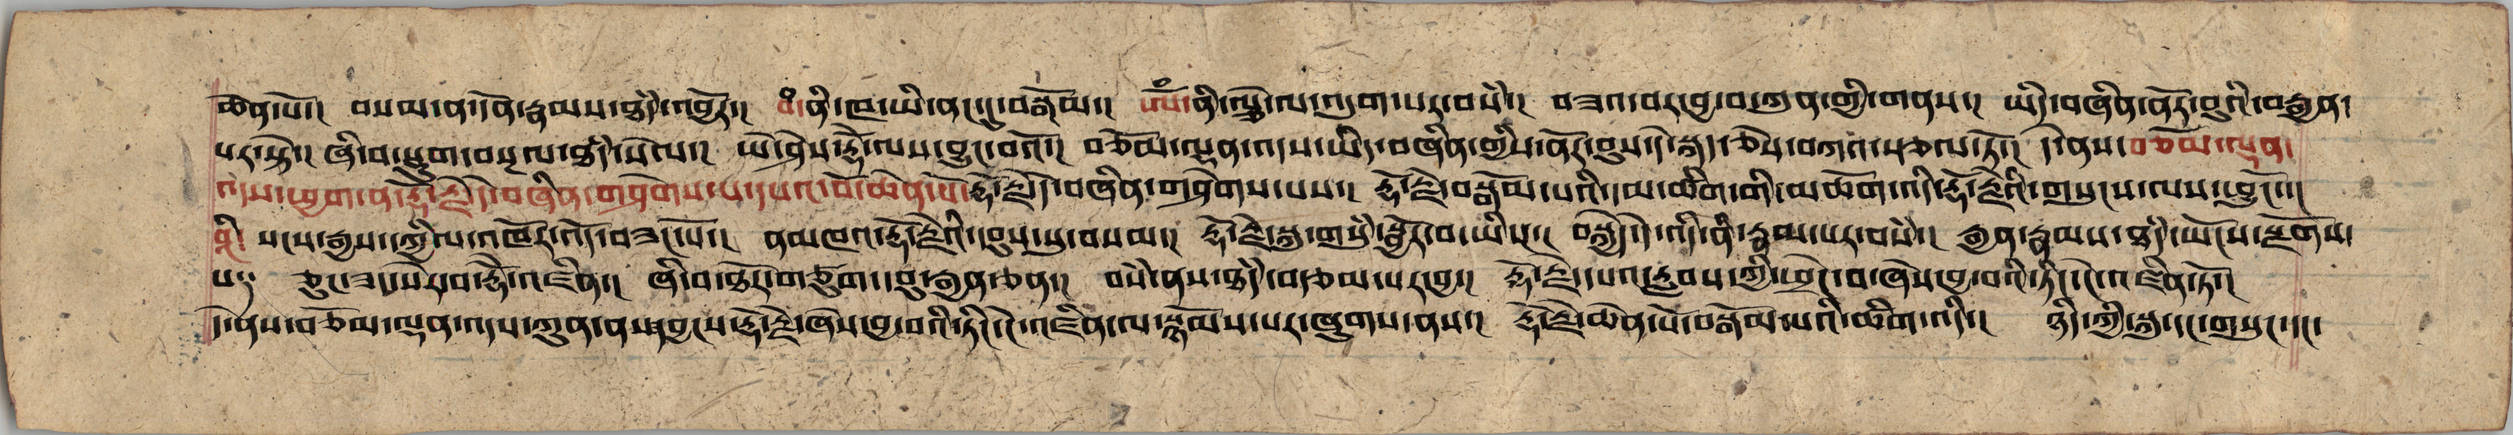ཆེན་པོ་། བསམ་ན་དོན་རྣམས་ཐདཾ་འབྱོར་། བཾ་ནི་ཁ་ཡི་ནང་དུ་བསྒོམ་། ཨོཾ་ནི་ལྕེ་ལ་འདུག་པར་བསཾ་། བཟའ་བར་བྱ་བ་ཀུན་གྱི་གནས་། ཡིད་བཞིན་ནོར་བུའི་བརྒྱན་
པར་སྟེ་། ཞི་བ་སྡུག་བསྔལ་ཐདཾ་སེལ་། ཡེ་ཤེས་རྡོེ་ལས་བྱུང་བའོ་། བཅོམ་ལྡན་འདས་ཡིད་བཞིན་གྱིས་ནོར་བུས་དེ་སྐད་ཅེས་བཀའ་སྩལ་ཏོ་། དེ་ནས་བཅོམ་ལྡན་
འདས་ཕྱག་ན་རྡོ་རྗེ་དེ་བཞིན་གཤེགས་པ་དཔའ་བོ་ཆེན་པོ་རྡོ་རྗེ་དེ་བཞིན་གཤེགས་པས་། རྡོ་རྗེ་བསྒོམ་པའི་དམ་ཚིག་གི་མཆོག་འདི་རྡོ་རྗེའི་གསུངས་ལས་ཕྱུངོ་་།
བཱི་ སངས་རྒྱས་དཀྱིལ་འཁོར་འོད་བཟང་པོ་། ནམཁའ་རྡོ་རྗེའི་དབུས་སུ་བསམ་། རྡོ་རྗེ་སྐུ་གསུཾ་སྦྱོར་བ་ཡིས་། བསྐྱེད་དེ་འདི་ནི་རྣམ་པར་བསཾ་། རྒྱན་རྣམས་ཐདཾ་ཡོངས་སྫོགས་
པ༑ ཅུང་ཟད་སེར་བ་རྡོེ་འཛིན་། ཞི་བ་ཐོར་གཙུག་དབུ་རྒྱན་ཅན་། བསཾ་ནས་ཐདཾ་བརྩམ་པར་བྱ་། རྡོ་རྗེ་དཔའ་རླབས་ཀྱི་ཕྲེང་བ་ཞེས་བྱ་བའི་ཏིང་ངེ་འཛིན་ཏོ་།
དེ་ནས་བཅོམ་ལྡན་འདས་ཀུན་ནསདབྱངས་རྡོ་རྗེ་ཞེས་བྱ་བའི་ཏིང་ངེ་འཛིན་ལ་སྙོམས་པར་ཞུགས་ནས་། རྡོ་རྗེ་ཆེན་པོ་བསྒོམ་པའི་ཚིག་འདི་། ཉིད་ཀྱི་སྐུ་དང་གསུང་དང་